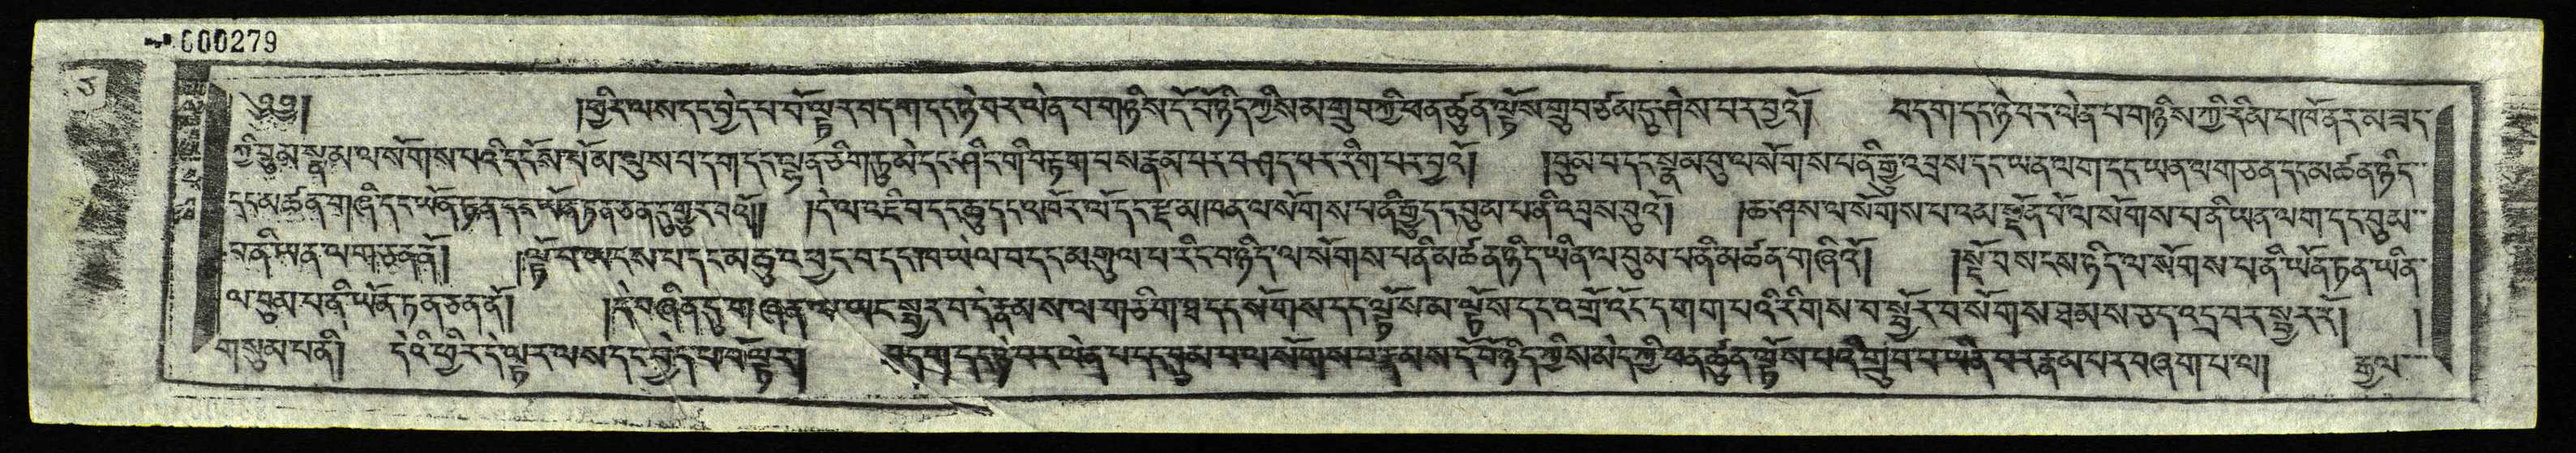༄༅། །ཕྱིར་ལས་དང་བྱེད་པ་པོ་ལྟར་བདག་དང་ཉེ་བར་ལེན་པ་གཉིས་ངོ་བོ་ཉིད་ཀྱིས་མ་གྲུབ་ཀྱི་ཕན་ཚུན་ལྟོས་གྲུབ་ཙམ་དུ་ཤེས་པར་བྱའོ། བདག་དང་ཉེ་བར་ལེན་པ་གཉིས་ཀྱི་རིམ་པ་ཁོ་ནར་མ་ཟད་
ཀྱི་བུམ་སྣམ་ལ་སོགས་པའི་དངོས་པོ་མ་ལུས་པ་དག་དང་ལྷན་ཅིག་ཏུ་མེ་དང་ཤིང་གི་བརྟག་པས་རྣམ་པར་བཤད་པར་རིག་པར་བྱའོ། །བུམ་པ་དང་སྣམ་བུ་ལ་སོགས་པ་ནི་རྒྱུ་འབྲས་དང་ཡན་ལག་དང་ཡན་ལག་ཅན་དང་མཚན་ཉིད་
དང་མཚན་གཞི་དང་ཡོན་ཏན་དང་ཡོན་ཏན་ཅན་དུ་གྱུར་བའོ།། །དེ་ལ་འཇི་བ་དང་ཆུ་དང་འཁོར་ལོ་དང་རྫ་མཁན་ལ་སོགས་པ་ནི་རྒྱུ་དང་བུམ་པ་ནི་འབྲས་བུའོ། །ཆ་ཤས་ལ་སོགས་པ་འམ་སྔོན་པོ་ལ་སོགས་པ་ནི་ཡན་ལག་དང་བུམ་
པ་ནི་ཡན་ལག་ཅན་ནོ། །ལྟོ་བ་ཡངས་པ་དང་མཆུ་འཕྱང་བ་དང་ཁ་ཡེལ་བ་དང་མགུལ་པ་རིང་བ་ཉིད་ལ་སོགས་པ་ནི་མཚན་ཉིད་ཡིན་ལ་བུམ་པ་ནི་མཚན་གཞིའོ། །སྔོ་བསངས་ཉིད་ལ་སོགས་པ་ནི་ཡོན་ཏན་ཡིན་
ལ་བུམ་པ་ནི་ཡོན་ཏན་ཅན་ནོ། །དེ་བཞིན་དུ་གཞན་ལ་ཡང་སྦྱར་བ་དེ་རྣམས་ལ་གཅིག་ཐ་དད་སོགས་དང་ལྟོས་མ་ལྟོས་དང་འགྲོ་འོང་དགག་པའི་རིགས་བ་སྦྱོར་བ་སོགས་ཐམས་ཅད་འདྲ་བར་སྦྱར་རོ། །
གསུམ་པ་ནི། དེའི་ཕྱིར་དེ་ལྟར་ལས་དང་བྱེད་པ་བོ་ལྟར། བདག་དང་ཉེ་བར་ལེན་པ་དང་བུམ་པ་ལ་སོགས་པ་རྣམས་ངོ་བོ་ཉིད་ཀྱིས་མེད་ཀྱི་ཕན་ཚུན་ལྟོས་པའི་གྲུབ་པ་ཡིན་པར་རྣམ་པར་བཞག་པ་ལ། རྒྱལ་